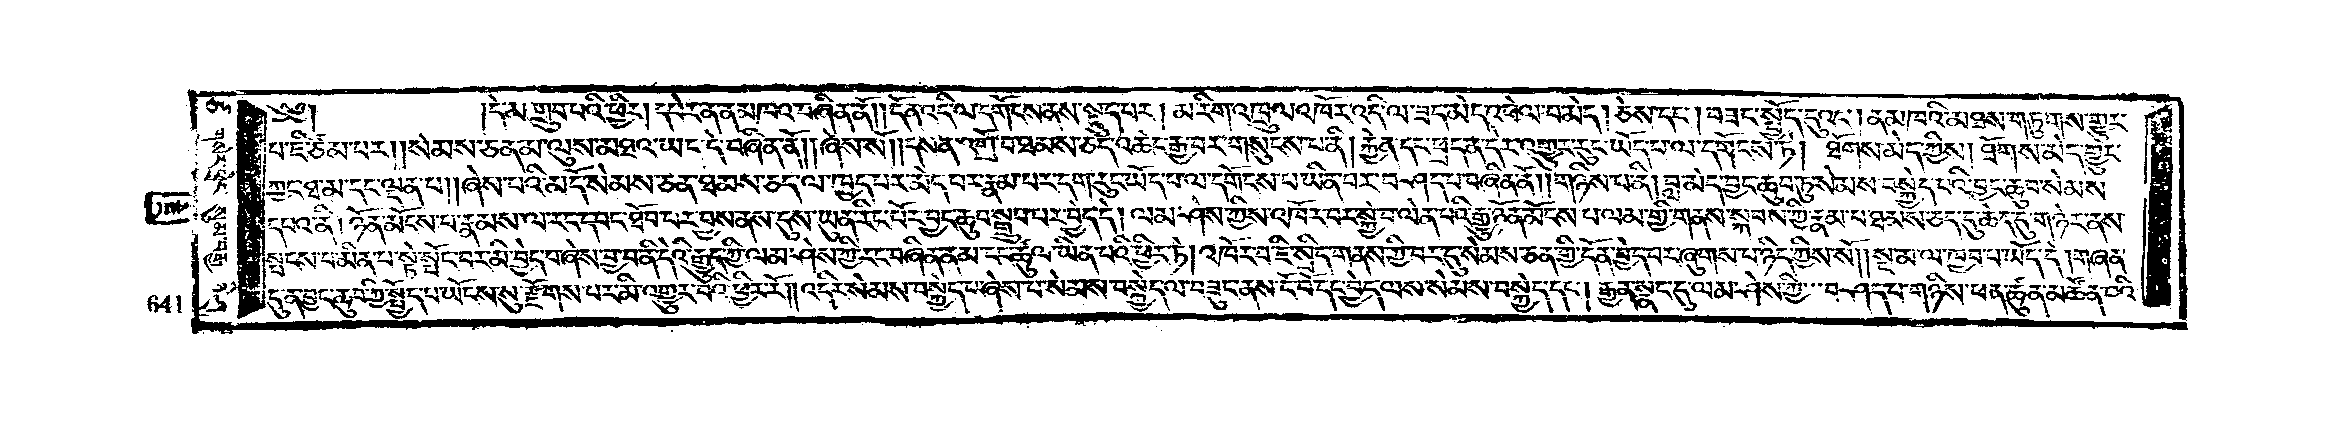༄༅། །དེ་མ་གྲུབ་པའི་ཕྱིར། དཔེར་ན་ནམ་མཁའ་བཞིན་ནོ། །དོན་འདི་ལ་དགོངས་ནས་སྡུད་པར། མ་རིག་འཁྲུལ་འཁོར་འདི་ལ་ཟད་མེད་འཕེལ་བ་མེད། ཅེས་དང་། བཟང་སྤྱོད་དུའང་། ནམ་མཁའི་མཐས་གཏུགས་གྱུར་
པ་ཇི་ཙམ་པར། །སེམས་ཅན་མ་ལུས་མཐའ་ཡང་དེ་བཞིན་ནོ། །ཞེས་སོ། །དེས་ན་འགྲོ་བ་ཐམས་ཅད་འཚང་རྒྱ་བར་གསུངས་པ་ནི། རྐྱེན་དང་ཕྲད་ན་དེར་འགྱུར་རུང་ཡོད་པ་ལ་དགོངས་ཏེ། ཐོགས་མེད་ཀྱིས། ཐོགས་མེད་གྱུར་
ཀྱང་ཐ་མ་དང་ལྡན་པ། །ཞེས་པའི་མདོ་སེམས་ཅན་ཐམས་ཅད་ལ་ཁྱད་པར་མེད་པར་རྣམ་པར་དག་རུང་ཡོད་པ་ལ་དགོངས་པ་ཡིན་པར་བཤད་པ་བཞིན་ནོ། །གཉིས་པ་ནི། བླ་མེད་བྱང་ཆུབ་ཏུ་སེམས་བསྐྱེད་པའི་བྱང་ཆུབ་སེམས་
དཔའ་ནི། ཉོན་མོངས་པ་རྣམས་ལ་རང་དབང་ཐོབ་པར་བྱས་ནས་དུས་ཡུན་རིང་པོར་བྱང་ཆུབ་སྒྲུབ་པར་བྱེད་དེ། ལམ་ཤེས་ཀྱིས་འཁོར་བར་སྐྱེ་བ་ལེན་པའི་རྒྱུ་ཉོན་མོངས་པ་ལམ་གྱི་གནས་སྐབས་ཀྱི་རྣམ་པ་ཐམས་ཅད་དུ་ཆེད་དུ་གཉེར་ནས་
སྤངས་པ་མིན་པ་སྟེ་སྤོང་བར་མི་བྱེད་པ་ཞེས་བྱ་བ་ནི་དེའི་རྒྱུད་ཀྱི་ལམ་ཤེས་ཀྱི་རང་བཞིན་ནམ་དང་ཚུལ་ཡིན་པའི་ཕྱིར་ཏེ། འཁོར་བ་ཇི་སྲིད་གནས་ཀྱི་བར་དུ་སེམས་ཅན་གྱི་དོན་བྱེད་པར་ཞུགས་པ་ཉིད་ཀྱིས་སོ། །སྔ་མ་ལ་ཁྱབ་པ་ཡོད་དེ། གཞན་
དུ་ན་བྱང་ཆུབ་ཀྱི་སྤྱོད་པ་ཡོངས་སུ་རྫོགས་པར་མི་འགྱུར་བའི་ཕྱིར་རོ། །འདིར་སེམས་བསྐྱེད་པ་ཞེས་པ་སེམས་བསྐྱེད་ལ་བཟུང་ནས་ངོ་བོ་དང་བྱེད་ལས་སེམས་བསྐྱེད་དང་། རྒྱན་སྣང་དུ་ལམ་ཤེས་ཀྱི་བཤད་པ་གཉིས་ཕན་ཚུན་མཚོན་པའི་